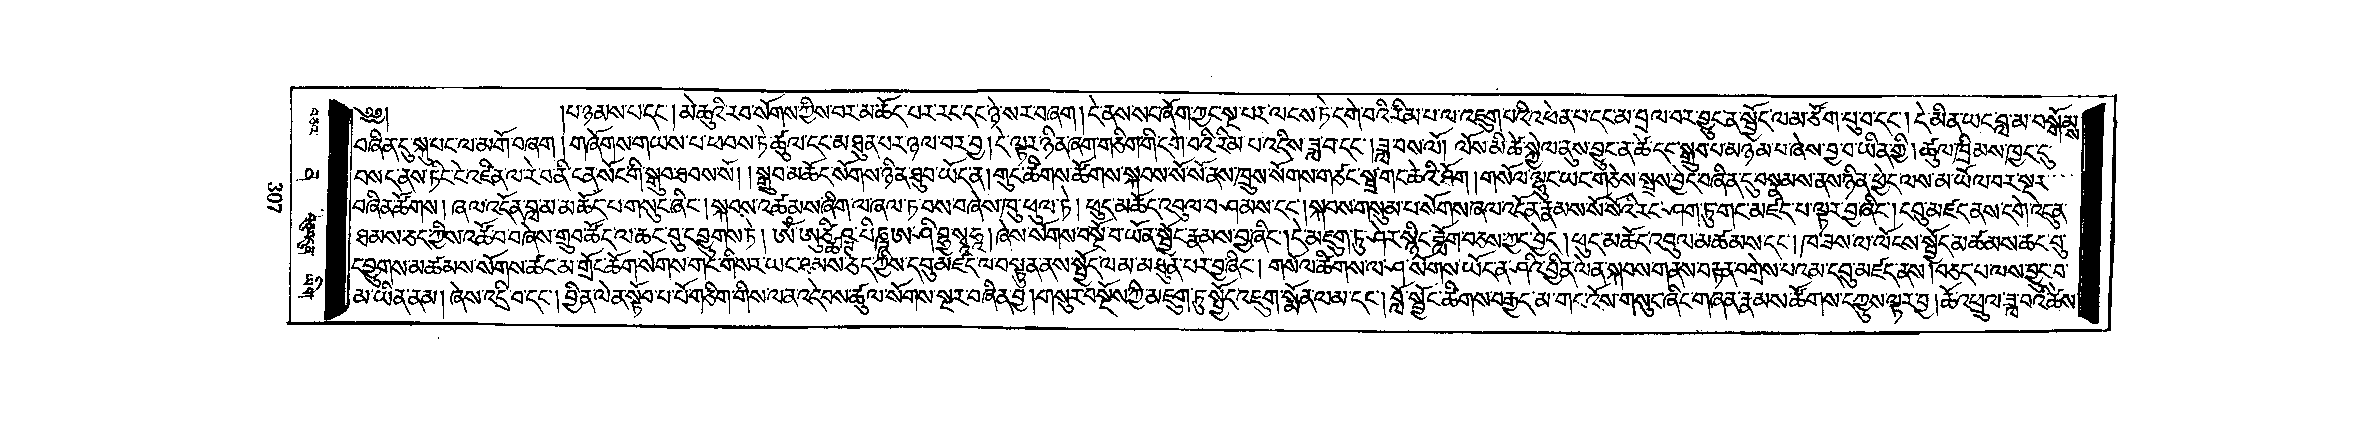༄༅། །པ་ཉམས་པ་དང་། མེ་ཆུའི་རབ་སོགས་ཀྱིས་བར་མ་ཆོད་པར་རང་དང་ཉེ་སར་བཞག །དེ་ནས་སང་ཞོག་ཀྱང་སྔ་པར་ལངས་ཏེ་དགེ་བའི་རིམ་པ་ལ་འཇུག་པའི་འཕེན་པ་དང་མ་བྲལ་བར་བྱུང་ན་སྦྱོང་ལམ་ཙོག་པུ་བ་དང་། དེ་མིན་ཡང་བླ་མ་བསྒོམས་
བཞིན་དུ་སྐུ་པང་ལ་མགོ་བཞག །གཞོགས་གཡས་པ་ཕབས་ཏེ་ཚུལ་དང་མཐུན་པར་ཉལ་བར་བྱ། དེ་ལྟར་ཉིན་ཞག་གཅིག་གི་དགེ་བའི་རིམ་པ་འདིས་ཟླ་བ་དང་། ཟླ་བས་ལོ། ལོས་མི་ཚེ་སྐྱེལ་ནུས་བྱུང་ན་ཚེ་དང་སྒྲུབ་པ་མཉམ་པ་ཞེས་བྱ་བ་ཡིན་གྱི། ཚུལ་ཁྲིམས་ཁྱད་དུ་
བསད་ནས་ཏིང་ངེ་འཛིན་ལ་རེ་བ་ནི་ངན་སོང་གི་སྒུབ་ཐབས་སོ། །སྒྲུབ་མཆོད་སོགས་ཉིན་ཐུབ་ཡོད་ན། གུང་ཚིགས་ཚོགས་སྐབས་སོ་སོ་ནས་ཁྲུས་སོགས་གཙང་སྦྲ་གང་ཆེའི་ཐོག །གསོལ་ལྷུང་ཡང་གཅེས་སྤྲས་བྱེད་བཞིན་དུ་བསྣམས་ནས་ཉིན་ཕྱེད་ལས་མ་ཡོལ་བར་སྡར་
བཞིན་ཚོགས། ཞལ་འདོན་བླ་མ་མཆོད་པ་གསུང་ཞིང་། སྐབས་འཚམས་ཞིག་ལ་ཞལ་ཏ་བས་བཞེས་ཁུ་ཕུལ་ཏེ། ཕུད་མཆོད་འབུལ་བཤམས་དང་། སྐབས་གསུམ་པ་སོགས་ཞལ་འདོན་རྣམས་སོ་སོའི་རང་ཤག་ཏུ་གང་མཛད་པ་ལྟར་བྱ་ཞིང་། དབུ་མཛད་ནས་དགེ་འདུན་
ཐམས་ཅད་ཀྱིས་འཚོ་བ་བཞེས་གྲུབ་ཚོད་ལ་ཆང་བུ་དབྱུགས་ཏེ། ཨོཾ་ཨུ་ཙྪི་ཥྚ་ཨ་ཤི་བྷྱ་སྭཱ་ཧཱ། །ཞེས་སོགས་བསྔོ་བ་ཡོན་སྦྱོང་རྣམས་བྱ་ཞིང་། དེ་མཇུག་ཏུ་ཤེར་སྙིང་ཟློག་བཅས་ཀྱང་བྱེད། ཕུད་མཆོད་འབུལ་མཚམས་དང་། ཁ་ཟས་ལ་ལོངས་སྤྱོད་མཚམས་ཆང་བུ་
དབྱུགས་མཚམས་སོགས་ཚང་མ་གྲོང་ཆོག་སོགས་གང་གིས་ཡང་ཐམས་ཅད་ཀྱིས་དབུ་མཛད་ལ་བསྟུན་ནས་སྤྱོད་ལམ་མཐུན་པར་བྱ་ཞིང་། གསོལ་ཚིགས་ལ་ཤ་སོགས་ཡོད་ན་ཤིའི་བྱིན་ལེན་སྐབས་གནས་བརྟན་བགྲེས་པའམ་དབུ་མཛད་ནས། བཅད་པ་ལས་བྱུང་བ་
མ་ཡིན་ནམ། ཞེས་འདྲི་བ་དང་། བྱིན་ལེན་སྟོབ་པ་པོ་གཅིག་གིས་ལན་འདེབས་ཚུལ་སོགས་སྔར་བཞིན་བྱ། གསུར་བསྔོས་ཀྱི་མཇུག་ཏུ་སྤྱོད་འཇུག་སྨོན་ལམ་དང་། བློ་སྦྱོང་ཚིགས་བརྒྱད་མ་གང་འོས་གསུང་ཞིང་གཞན་རྣམས་ཚོགས་དཀྱུས་ལྟར་བྱ། ཆོ་འཕྲུལ་ཟླ་བའི་ཚེས་